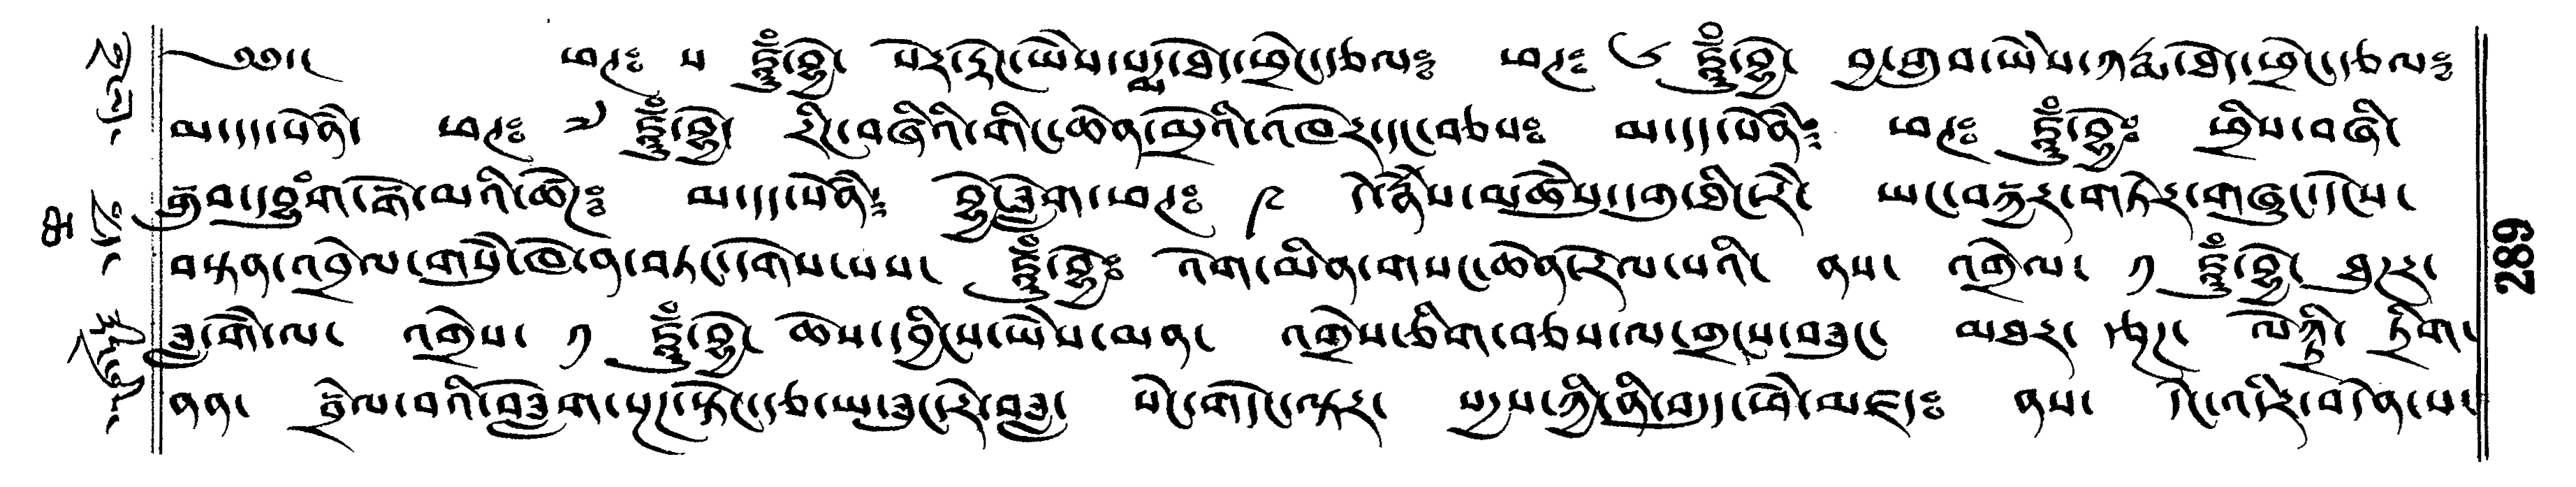ཕཊཿ དྲུག་པ། ཧཱུྃ་བྷྱོ༔ སོར་རྟོགས་ཡེ་ཤེས་པདྨ་ཐོད་ཕྲེང་རྩལ༔ མ་དད་སེམས་ཅན༴ ཕཊཿ བདུན་པ། ཧཱུྃ་བྷྱོ༔ བྱ་གྲུབ་ཡེ་ཤེས་ཀརྨ་ཐོད་ཕྲེང་རྩལ༔ 
མ་དད་སེམས་ཅན༴ ཕཊཿ བརྒྱད་པ། ཧཱུྃ་བྷྱོ༔ རིགས་བཞིའི་གིང་ཆེན་མཁའ་འགྲོའི་འཁོར་དང་བཅས༔ མ་དད་སེམས་ཅན༔ ཕཊཿ དགུ་པ། ཧཱུྃ་བྷྱོཿ ཕྲིན་ལས་བཞི་
སྒྲུབ་དབང་ཕྱུག་སྒོ་མའི་ཚོགས༔ མ་དད་སེམས་ཅན༴ བྷྱོ་ཟློག་ཕཊཿ དེ་རྣམས་མཚམས་སུ་དགུ་ཐིང་རེ་རེ། ཡང་བསྐྱར་གཏེར་གཞུང་དངོས་
བསྟན་འགྲེས་གསུམ་ཁོ་ན་བཏང་དགོས་པས། ཧཱུྃ་བྷྱོ༔ འོག་མིན་གསང་ཆེན་རོལ་པའི༴ ནས་འགྲེས་གཅིག ཧཱུྃ་བྷྱོ༔ ཐུགས་ཀར་
ཟླ་གམ༴ ལ་འགྲེས་གཅིག ཧཱུྃ་བྷྱོ༔ ཆོས་དབྱིངས་ཡེ་ཤེས༴ མན་འགྲེས་གཅིག་བཅས་ལ་གྲངས་བཟུང་། མཐར་རྩ་སྔགས། ལོཀྟྲི། ཏྲིག་
ནན༴ བཅས་སྦྲེལ་བའི་བཟློག་སྔགས་སྟོང་རྩ་ཡ་ཟུང་རེ་བཟླ། སེང་གདོང་ལྟར། སངས་རྒྱས་ཀྱིས་ནི་བདུད་ཕམ་མཛདཿ ནས། དེང་འདིར་བདེན་པ་